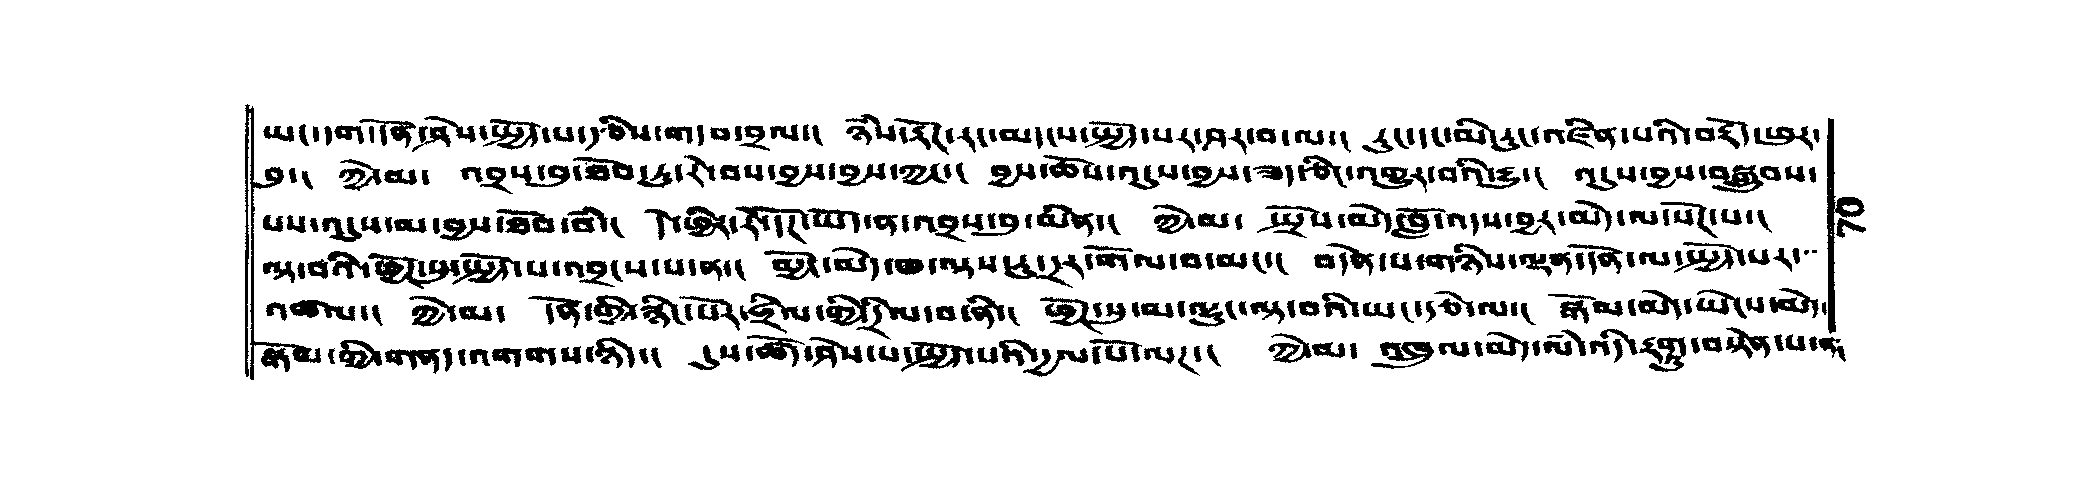ཡང་དག་དོན་ཤེས་སྤྱོད་པ་རྩིས་གདབ་བྲལ། །ཉམས་རྟོགས་རང་གདངས་སྤྱོད་པར་ཤར་བ་ལ། །རུང་དང་མི་རུང་འཛིན་པའི་བརྟོད་ཕུར་
བུ། ཀྱེ་མ། འབྲས་བུ་ཐོབ་ཏུ་རེ་བས་བྱས་བྱས་ཀྱང་། །བྱས་ཆོས་འདུས་བྱས་ཟད་ཅིང་འགྱུར་བའི་རྒྱུ། །འདུས་བྱས་བསྒྲུབས་
པས་འདུས་མ་བྱས་ཐོབ་བམ། །དེ་ཕྱིར་རེ་དོགས་ཡོད་ན་འབྲས་བུ་མིན།ཀྱེ་མ། སྤྲོས་མེད་བློ་འདས་བྱར་མེད་ལ་སོགས་པ། །
ལྟ་བའི་ཕྱོགས་སུ་སྤྱོད་པ་འབྲངས་པ་ན། །མྱོང་མེད་ཁ་ལྟས་རུ་ཊར་གོལ་བ་ལ། །བདེན་པ་གཉིས་ལྡན་དོན་ལ་སྤྱོད་པར་
འཚལ། ཀྱེ་མ། དོན་གྱི་སྙིང་པོ་ཧྲིལ་གྱི་དྲིལ་བ་ནི། །ཕྱོགས་སུ་མ་ལྷུང་ལྟ་བའི་ཡང་རྩེ་ལ། །སྒོམ་མེད་ཡེངས་མེད་
སྒོམ་གྱི་གནད་འགག་ཉིད། །དུས་ཚོད་ཤེས་པ་སྤྱོད་པའི་རྒྱལ་པོ་ལགས། ཀྱེ་མ། འཁྲུལ་མེད་ལམ་འདི་རྟག་ཏུ་བསྟེན་པ་ན། །